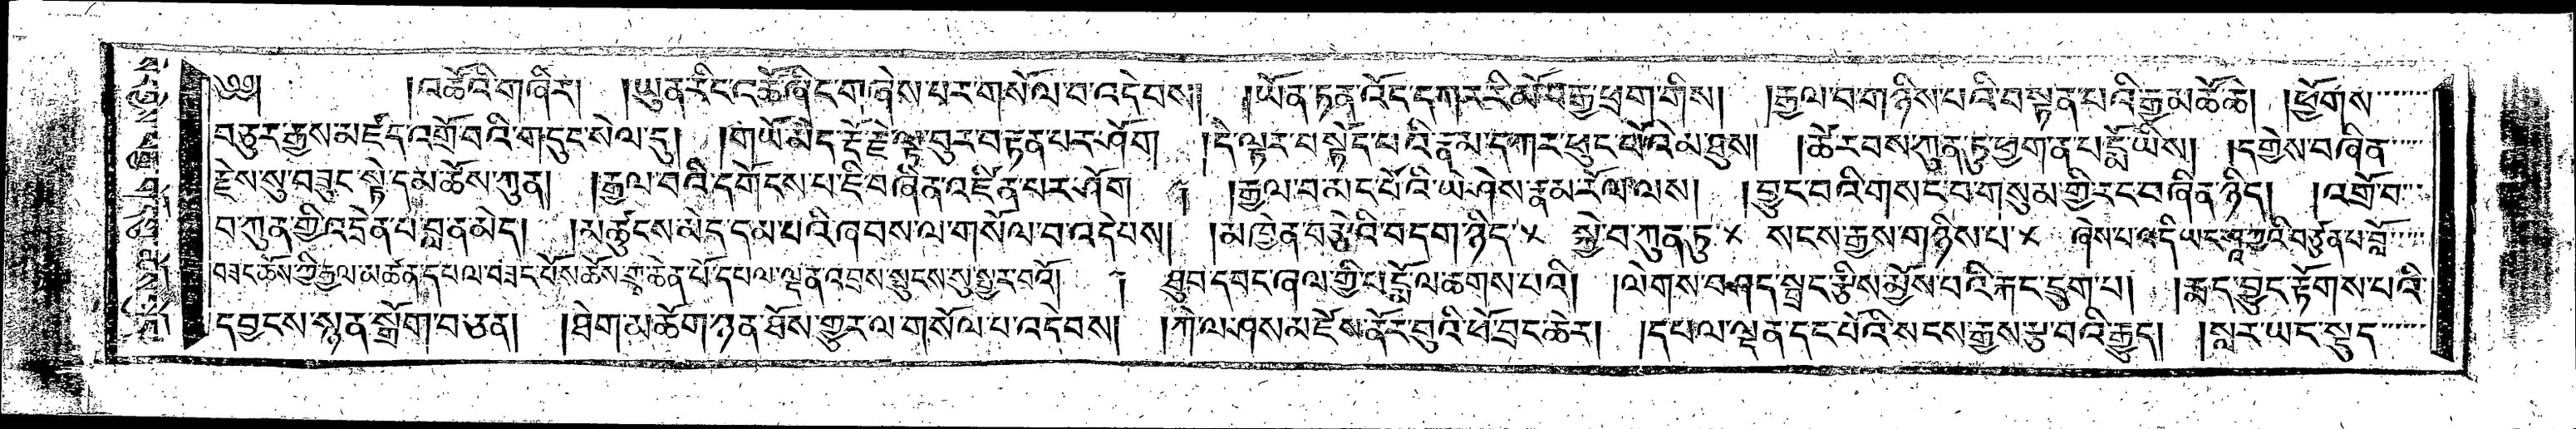༄༅། །འཚོའི་གཞིར། །ཡུན་རིང་འཚོ་ཞིང་གཞེས་པར་གསོལ་བ་འདེབས། །ཡོན་ཏན་འོད་དཀར་རི་མོ་བརྒྱ་ཕྲག་གིས། །རྒྱལ་བ་གཉིས་པའི་བསྟན་པའི་རྒྱ་མཚོ་ཆེ། །ཕྱོགས་
བཅུར་རྒྱས་མཛད་འགྲོ་བའི་གདུང་སེལ་དུ། །གཡོ་མེད་རྡོ་རྗེ་ལྟ་བུར་བརྟན་པར་ཤོག །དེ་ལྟར་བསྟོད་པའི་རྣམ་དཀར་ཕུང་པོའི་མཐུས། །ཚེ་རབས་ཀུན་ཏུ་ཕྱག་ན་པདམོ་ཡིས། །དགྱེས་བཞིན་
རྗེས་སུ་བཟུང་སྟེ་དམ་ཆོས་ཀུན། །རྒྱལ་བའི་དགོངས་པ་ཇི་བཞིན་འཛིན་པར་ཤོག ༈ །རྒྱལ་བ་མང་པོའི་ཡེ་ཤེས་རྣམ་རོལ་ལས། །བྱུང་བའི་གསང་བ་གསུམ་གྱི་རང་བཞིན་ཉིད། །འགྲོ་བ་
བ་ཀུན་གྱི་འདྲེན་པ་བླ་ན་མེད། །མཚུངས་མེད་དམ་པའི་ཞབས་ལ་གསོལ་བ་འདེབས། །མཁྱེན་བརྩེའི་བདག་ཉིད་{྾}་སྐྱེ་བ་ཀུན་ཏུ་{྾}་སངས་རྒྱས་གཉིས་པ་{྾}་ཞེས་པ་འདི་ཡང་ཤཱཀྱའི་བཙུན་པ་བློ་
བཟང་ཆོས་ཀྱི་རྒྱལ་མཚན་དཔལ་བཟང་པོས་ཆོས་གྲྭ་ཆེན་པོ་དཔལ་ལྡན་འབྲས་སྤུངས་སུ་སྦྱར་བའོ། ༈ ཐུབ་དབང་ཞལ་གྱི་པདམོ་ལ་ཆགས་པའི། །ལེགས་བཤད་སྦྲང་རྩིས་མྱོས་པའི་རྐང་དྲུག་པ། །རྨད་བྱུང་རྟོགས་པའི་
དབྱངས་སྙན་སྒྲོག་བ་ཅན། །ཐེག་མཆོག་ཉན་ཐོས་གྱུར་ལ་གསོལ་བ་འདེབས། །ཀེ་ལ་ཤས་མཛེས་ནོར་བུའི་ཕོ་བྲང་ཆེར། །དཔལ་ལྡན་དང་པོའི་སངས་རྒྱས་རྩ་བའི་རྒྱུད། །སླར་ཡང་སྡུད་